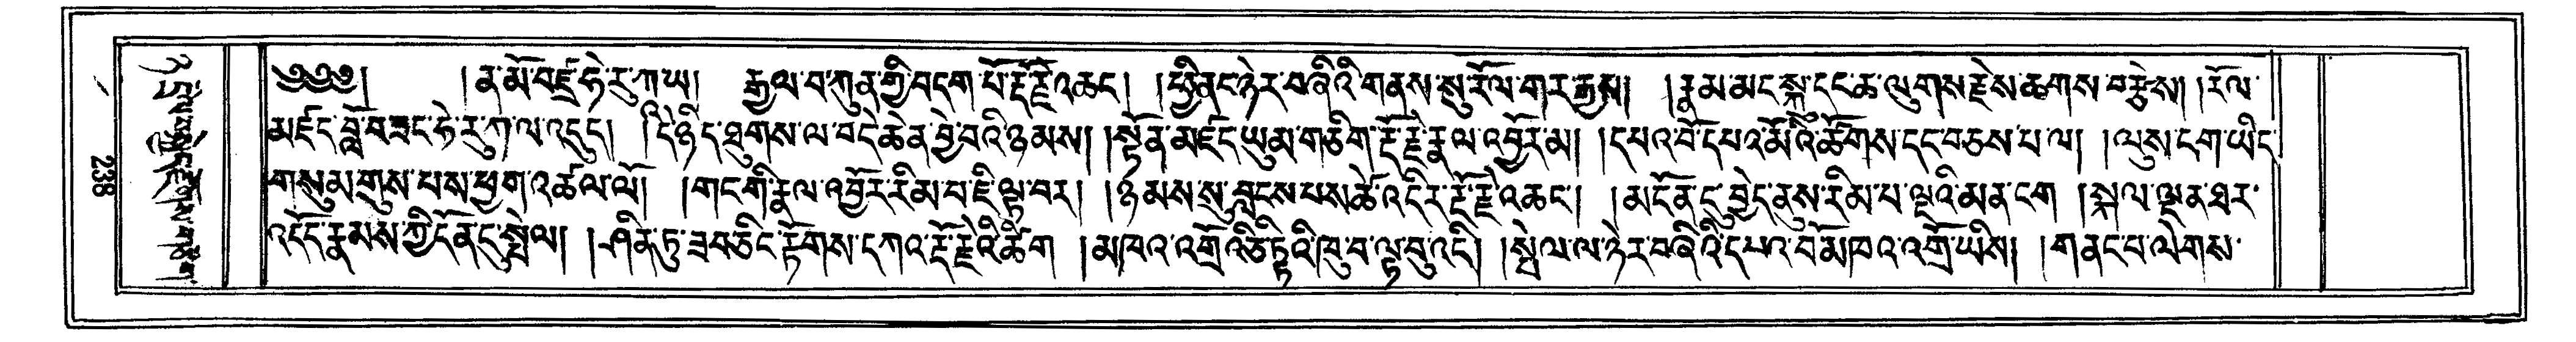༄༅༅། །ན་མོ་བཛྲ་ཧེ་རུ་ཀཱ་ཡ། རྒྱལ་བ་ཀུན་གྱི་བདག་པོ་རྡོ་རྗེ་འཆང་། །ཕྱི་ནང་ཉེར་བཞིའི་གནས་སུ་རོལ་གར་རྒྱས། །རྣམ་མང་སྐུ་དང་ཆ་ལུགས་རྗེས་ཆགས་བརྩེས། །རོལ་
མཛད་བློ་བཟང་ཧེ་རུ་ཀ་ལ་འདུད། །དེ་ཉིད་ཐུགས་ལ་བདེ་ཆེན་བྱེ་བའི་ཉམས། །སྟོན་མཛད་ཡུམ་གཅིག་རྡོ་རྗེ་རྣལ་འབྱོར་མ། །དཔའ་བོ་དབའ་མོའི་ཚོགས་དང་བཅས་པ་ལ། །ལུས་ངག་ཡིད་
གསུམ་གུས་པས་ཕྱག་འཚལ་ལོ། །གང་གི་རྣལ་འབྱོར་རིམ་པ་ཇི་ལྟ་བར། །ཉམས་སུ་བླངས་པས་ཚེ་འདིར་རྡོ་རྗེ་འཆང་། །མངོན་དུ་བྱེད་ནུས་རིམ་པ་ལྔའི་མན་ངག། སྐལ་ལྡན་ཐར་
འདོད་རྣམས་ཀྱི་དོན་དུ་སྤེལ། །ཤིན་ཏུ་ཟབ་ཅིང་རྟོགས་དཀའ་རྡོ་རྗེའི་ཚིག །མཁའ་འགྲོའི་ཅིཏྟའི་ཁུ་བ་ལྟ་བུ་འདི། །སྤེལ་ལ་ཉེར་བཞིའི་དཔའ་བོ་མཁའ་འགྲོ་ཡིས། །གནང་བ་ལེགས་